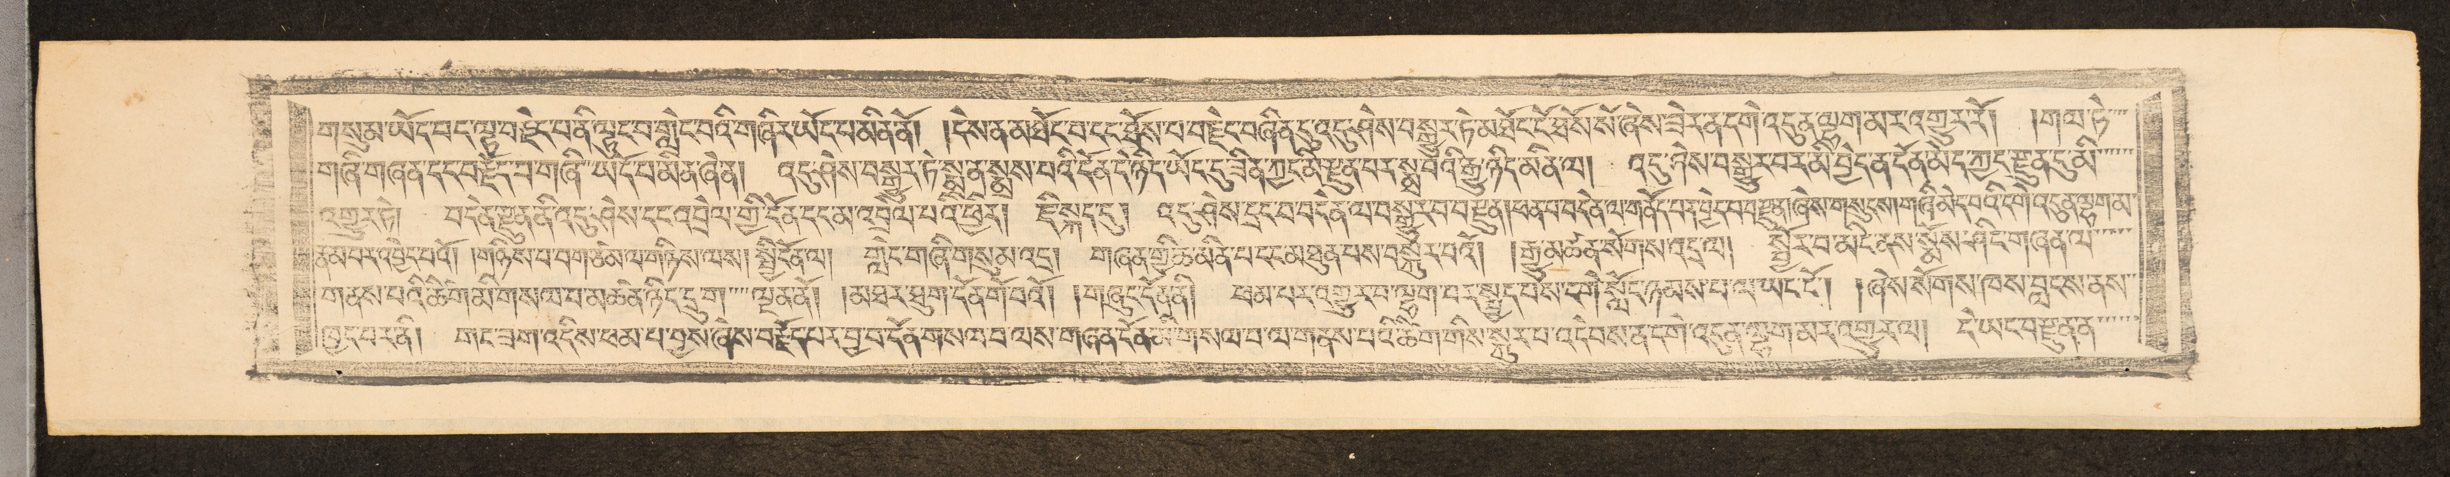གསུམ་ཡོད་པད་ལྟ་འྲྗེད་པ་ནི་ལྟུང་བ་གླེང་བའི་གཞིར་ཡོད་པ་མིན་ནོ། །དེས་ན་མཐོང་བ་དང་ཐོས་པ་བརྗེད་བཞིན་དུ་འདུ་ཞེས་བསྒྱུར་ཏེ་མཐོང་ངོ་ཐོས་སོ་ཞེས་ཟེར་ན་དགེ་འདུན་ལྷག་མར་འགྱུར་རོ། །གལ་ཏེ་
གཞི་གཞན་དང་བརྗོད་པ་གཞི་ཡོད་པ་མིན་ཞེ་ན། འདུ་ཤེས་བསྒྱུར་ཏེ་སྨྲ་ན་སྨྲས་པའི་དོན་དེ་ཉིད་ཡོད་དུ་ཟིན་ཀྱང་མི་རྫུན་པར་སྨྲ་པའི་རྒྱུ་ཉིད་མིན་ལ། འདུ་ཤེས་བསྒྱུར་བར་མི་བྱེད་ན་དོན་མེད་ཀྱང་རྫུན་དུ་མི་
འགྱུར་ཏེ། བདེན་རྫུན་ནི་འདུ་ཤེས་དང་འབྲེལ་གྱི་དོན་དང་མ་འབྲེལ་བའི་ཕྱིར། ཇི་སྐད་དུ། འདུ་ཤེས་དྲང་བ་བདེན་ལ་བསྒྱུར་བ་བརྫུན། ཕན་བ་བདེན་ལ་གནོད་པར་བྱེད་པ་བརྫུན། ཞེས་གསུངས། གཞི་མེད་བའི་དགེ་འདུན་ལྷག་མ་
རྣམ་པར་འབྱེད་པའོ། །གཉིས་པ་པག་ཙམ་ལ་གཉིས་ལས། སྤྱི་དོན་ལ། གླེང་གཞི་གསུམ་འདྲ། གཞན་གྱི་ཆ་མིན་པ་དང་མཐུན་པས་བསྐུར་བའོ། །རྒྱུ་མཚན་སོགས་འདྲ་ལ། སྦྱོར་བ་མིང་ནས་སྨོས་ཤིང་གཞན་ལ་
གནས་པའི་ཚིག་མི་གསལ་པ་མཚན་ཉིད་དྲུ་ག་ལྡན་ནོ། །མཐར་ཐུག་དོན་གོ་བའོ། །གཞུང་དོན་ནི། ཕམ་པར་འགྱུར་བ་ལྷག་པར་སྤྱད་པས་དགེ་སློང་ཉམས་པ་ལ་ཡང་ངོ། །ཞེས་སོགས་ཁས་བླངས་ནས་
ཁྱད་པར་ནི། གང་ཟག་འདིས་ཕམ་པ་བྱས་ཞེས་བརྗོད་པར་བྱ་བ་དོན་གསལ་བ་ལས་གཞན་དོན་མི་གསལ་བ་ལ་གནས་པའི་ཚིག་གིས་སྐུར་བ་འདེབས་ན་དགེ་འདུན་ལྷག་མར་འགྱུར་ལ། དེ་ཡང་བརྫུན་ན་